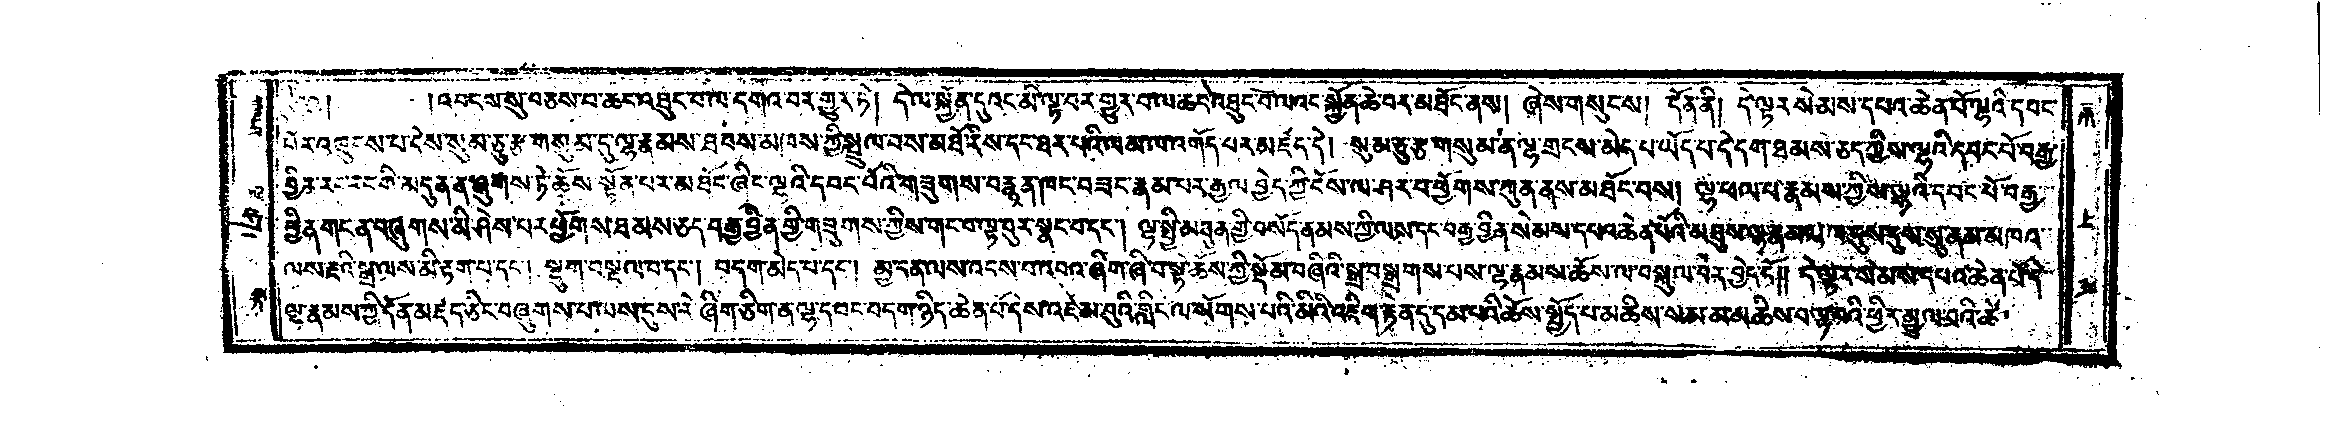༄༅། །འབངས་སུ་བཅས་པ་ཆང་འཐུང་བ་ལ་དགའ་བར་གྱུར་ཏེ། དེ་ལ་སྐྱོན་དུའང་མི་ལྟ་བར་གྱུར་བ་ལ་ཆང་འཐུང་བ་ལའང་སྐྱོན་ཆེ་བར་མཐོང་ནས། ཞེས་གསུངས། དོན་ནི། དེ་ལྟར་སེམས་དཔའ་ཆེན་པོ་ལྷའི་དབང་
པོར་འཁྲུངས་པ་དེས་སུམ་ཅུ་རྩ་གསུམ་དུ་ལྷ་རྣམས་ཐབས་མཁས་ཀྱི་སྤྲུལ་བས་མཐོ་རིས་དང་ཐར་པའི་ལམ་ལ་འགོད་པར་མཛད་དེ། སུམ་ཅུ་རྩ་གསུམ་ན་ལྷ་གྲངས་མེད་པ་ཡོད་པ་དེ་དག་ཐམས་ཅད་ཀྱིས་ལྷའི་དབང་པོ་བརྒྱ་
བྱིན་རང་རང་གི་མདུན་ན་བཞུགས་ཏེ་ཆོས་སྟོན་པར་མཐོང་ཞིང་ལྷའི་དབང་པོའི་གཟུགས་བརྙན་ཁང་བཟང་རྣམ་པར་རྒྱལ་བྱེད་ཀྱི་ངོས་ལ་ཤར་བ་ཕྱོགས་ཀུན་ནས་མཐོང་བས། ལྷ་ཕལ་པ་རྣམས་ཀྱིས་ལྷའི་དབང་པོ་བརྒྱ་
བྱིན་གང་ན་བཞུགས་མི་ཤེས་པར་ཕྱོགས་ཐམས་ཅད་བརྒྱ་བྱིན་གྱི་གཟུགས་ཀྱིས་གང་བ་ལྟ་བུར་སྣང་བ་དང་། ལྷ་སྤྱི་མཐུན་གྱི་བསོད་ནམས་ཀྱི་ལས་དང་བརྒྱ་བྱིན་སེམས་དཔའ་ཆེན་པོའི་མཐུས་ལྷ་རྣམས་ལ་དུས་དུས་སུ་ནམ་མཁའ་
ལས་རྔའི་སྒྲ་ལས་མི་རྟག་པ་དང་། སྡུག་བསྔལ་བ་དང་། བདག་མེད་པ་དང་། མྱ་ངན་ལས་འདས་པ་འབའ་ཞིག་ཞི་བ་སྟེ་ཆོས་ཀྱི་སྡོམ་བཞིའི་སྒྲ་བསྒྲགས་པས་ལྷ་རྣམས་ཆོས་ལ་བསྐུལ་བར་བྱེད་དོ།། དེ་ལྟར་སེམས་དཔའ་ཆེན་པོ་དེ་
ལྷ་རྣམས་ཀྱི་དོན་མཛད་ཅིང་བཞུགས་པ་ལས་དུས་རེ་ཞིག་ཅིག་ན་ལྷ་དབང་བདག་ཉིད་ཆེན་པོ་དེས་འཛམ་བུའི་གླིང་ལ་སོགས་པའི་མིའི་འཇིག་རྟེན་དུ་དམ་པའི་ཆོས་སྤྱོད་པ་མཆིས་སམ་མ་མཆིས་བལྟ་བའི་ཕྱིར་མྱུལ་བའི་ཚེ།